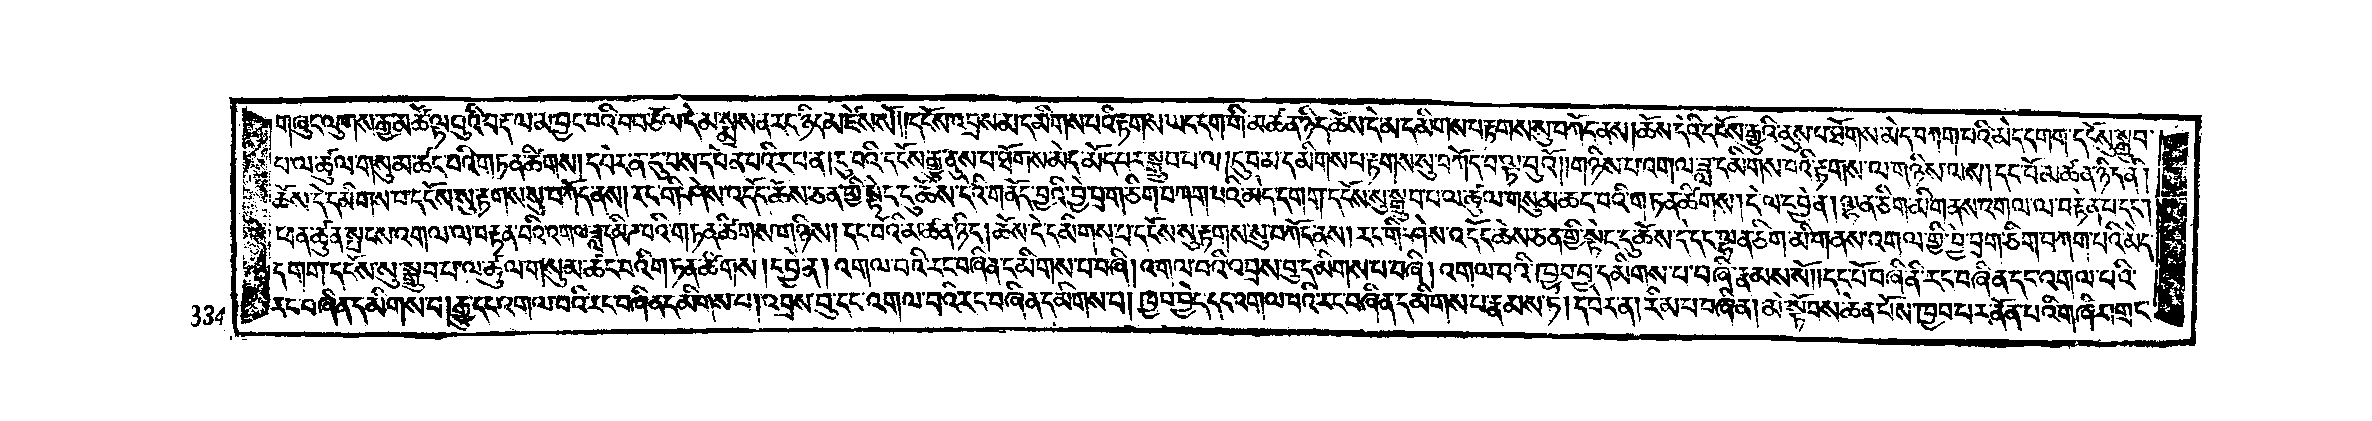གཞུང་ལུགས་རྒྱ་མཚོ་ལྟ་བུའི་བརྡ་ལ་མ་བྱང་བའི་བབ་ཅོལ་དེ་མ་སྨྲས་ན་རང་ཉིད་མཛེས་སོ། །དངོས་འབྲས་མ་དམིགས་པའི་རྟགས་ཡང་དག་གི་མཚན་ཉིད་ཆོས་དེ་མ་དམིགས་པ་རྟགས་སུ་བཀོད་ནས། ཆོས་དེའི་དངོས་རྒྱུའི་ནུས་པ་ཐོགས་མེད་བཀག་པའི་མེད་དགག་དངོས་སྒྲུབ་
པ་ལ་ཚུལ་གསུམ་ཚང་བའི་གཏན་ཚིགས། དཔེར་ན་དུ་བས་དབེན་པའི་ར་བ་ན། དུ་བའི་དངོས་རྒྱུ་ནུས་པ་ཐོགས་མེད་མོད་པར་སྒྲུབ་པ་ལ། དུ་བ་མ་དམིགས་པ་རྟགས་སུ་བཀོད་པ་ལྟ་བུའོ། །གཉིས་པ་འགལ་ཟླ་དམིགས་པའི་རྟགས་ལ་གཉིས་ལས། དང་པོ་མཚན་ཉིད་ནི།
ཆོས་དེ་དམིགས་པ་དངོས་སུ་རྟགས་སུ་བཀོད་ནས། རང་གི་ཤེས་འདོད་ཆོས་ཅན་གྱི་སྟེང་དུ་ཆོས་དེའི་གནོད་བྱའི་བྱེ་བྲག་ཅིག་བཀག་པའི་མེད་དགག་དངོས་སུ་སྒྲུབ་པ་ལ་ཚུལ་གསུམ་ཚང་བའི་གཏན་ཚིགས། དེ་ལ་དབྱེ་ན། ལྷན་ཅིག་མི་གནས་འགལ་ལ་བརྟེན་པ་དང་།
ཕན་ཚུན་སྤངས་འགལ་ལ་བརྟེན་པའི་འགལ་ཟླ་དམིགས་པའི་གཏན་ཚིགས་གཉིས། དང་པོའི་མཚན་ཉིད། ཆོས་དེ་དམིགས་པ་དངོས་སུ་རྟགས་སུ་བཀོད་ནས། རང་གི་ཤེས་འདོད་ཆོས་ཅན་གྱི་སྟེང་དུ་ཆོས་དེ་དང་ལྷན་ཅིག་མི་གནས་འགལ་གྱི་བྱེ་བྲག་ཅིག་བཀག་པའི་མེད་
དགག་དངོས་སུ་སྒྲུབ་པ་ལ་ཚུལ་གསུམ་ཚང་བའི་གཏན་ཚིགས། དབྱེ་ན། འགལ་བའི་རང་བཞིན་དམིགས་པ་བཞི། འགལ་བའི་འབྲས་བུ་དམིགས་པ་བཞི། འགལ་བའི་ཁྱབ་བྱ་དམིགས་པ་བཞི་རྣམས་སོ། །དང་པོ་བཞི་ནི་རང་བཞིན་དང་འགལ་བའི་
རང་བཞིན་དམིགས་པ། རྒྱུ་དང་འགལ་བའི་རང་བཞིན་དམིགས་པ། འབྲས་བུ་དང་འགལ་བའི་རང་བཞིན་དམིགས་པ། ཁྱབ་བྱེད་དང་འགལ་བའི་རང་བཞིན་དམིགས་པ་རྣམས་ཏེ། དཔེར་ན། རིམ་པ་བཞིན། མེ་སྟོབས་ཆེན་པོས་ཁྱབ་པར་ནོན་པའི་གཞིར། གྲང་